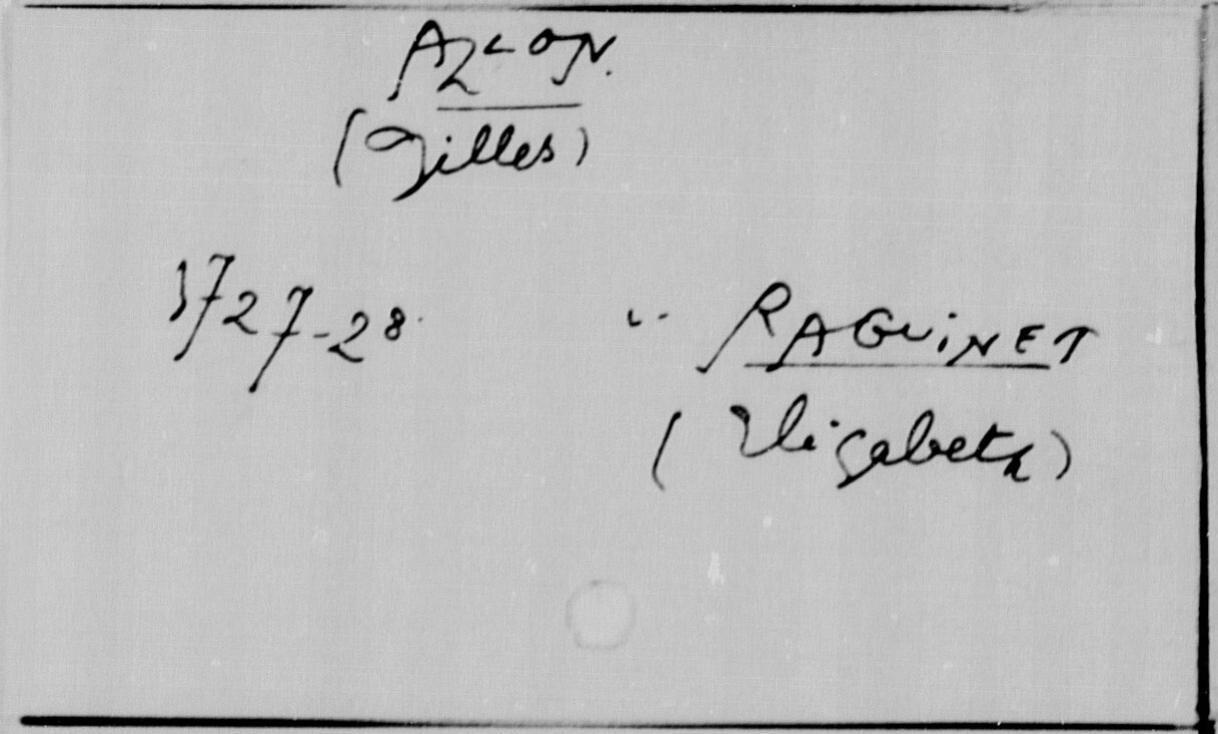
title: ALLON (Gilles)
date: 1727-1728
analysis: Voir RAGUINET (Élisabeth)
